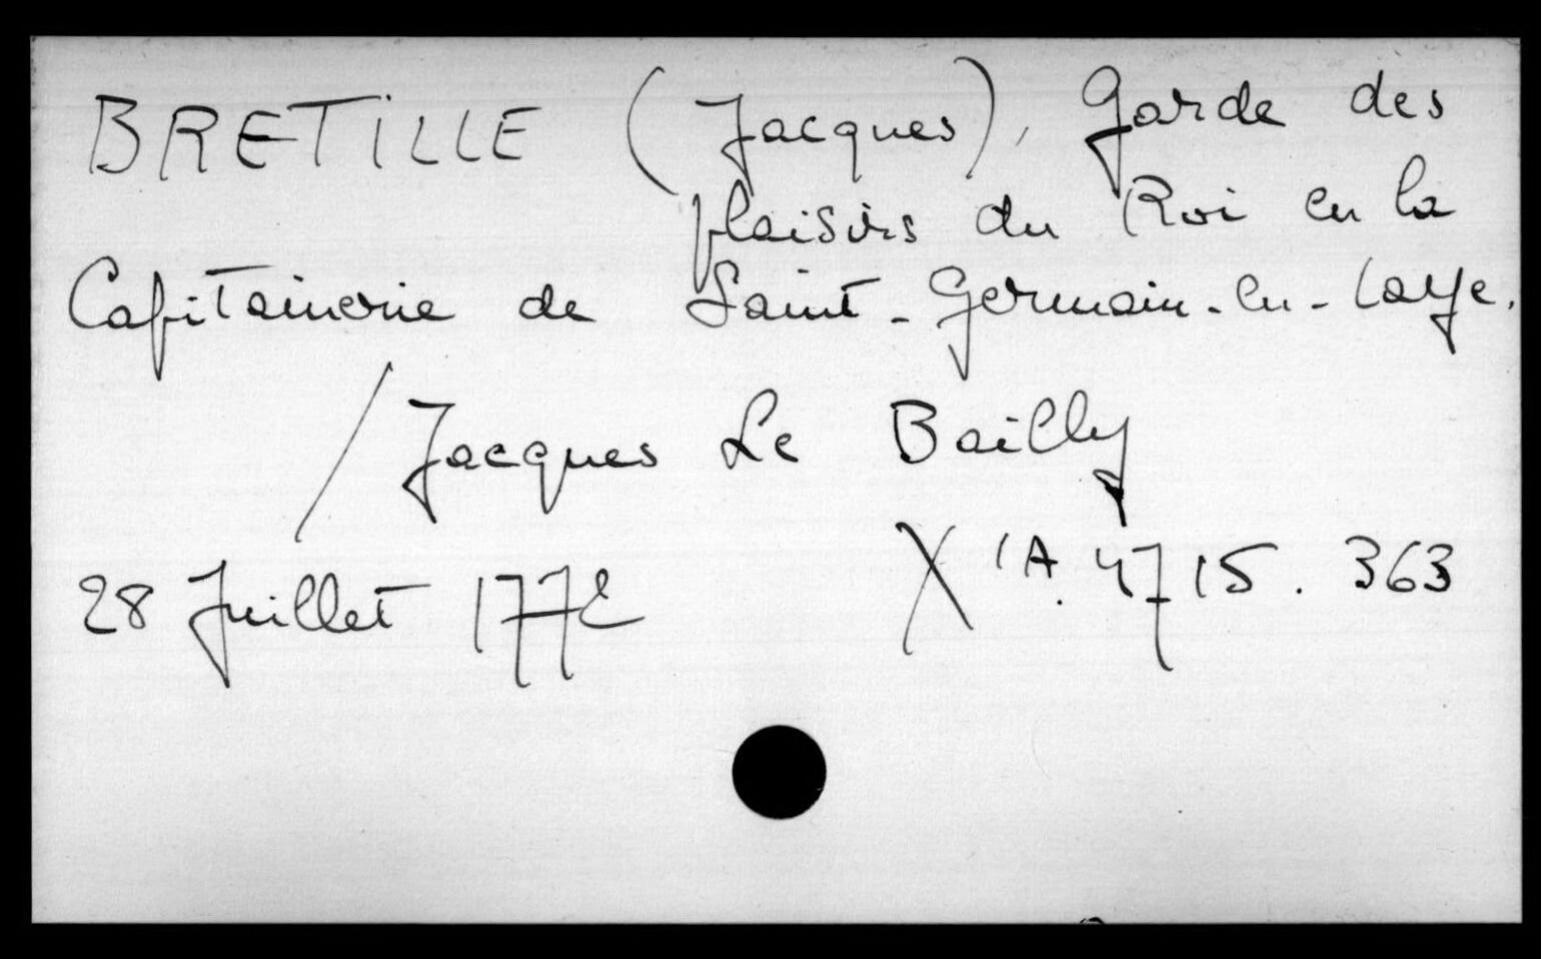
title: BRETILLE (Jacques), Garde des plaisirs du roi en la Capitainerie de Saint-Germain-en-Laye
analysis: Contre Jacques Le Bailly
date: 28 juillet 1772
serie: X1A
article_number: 4715
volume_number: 363
